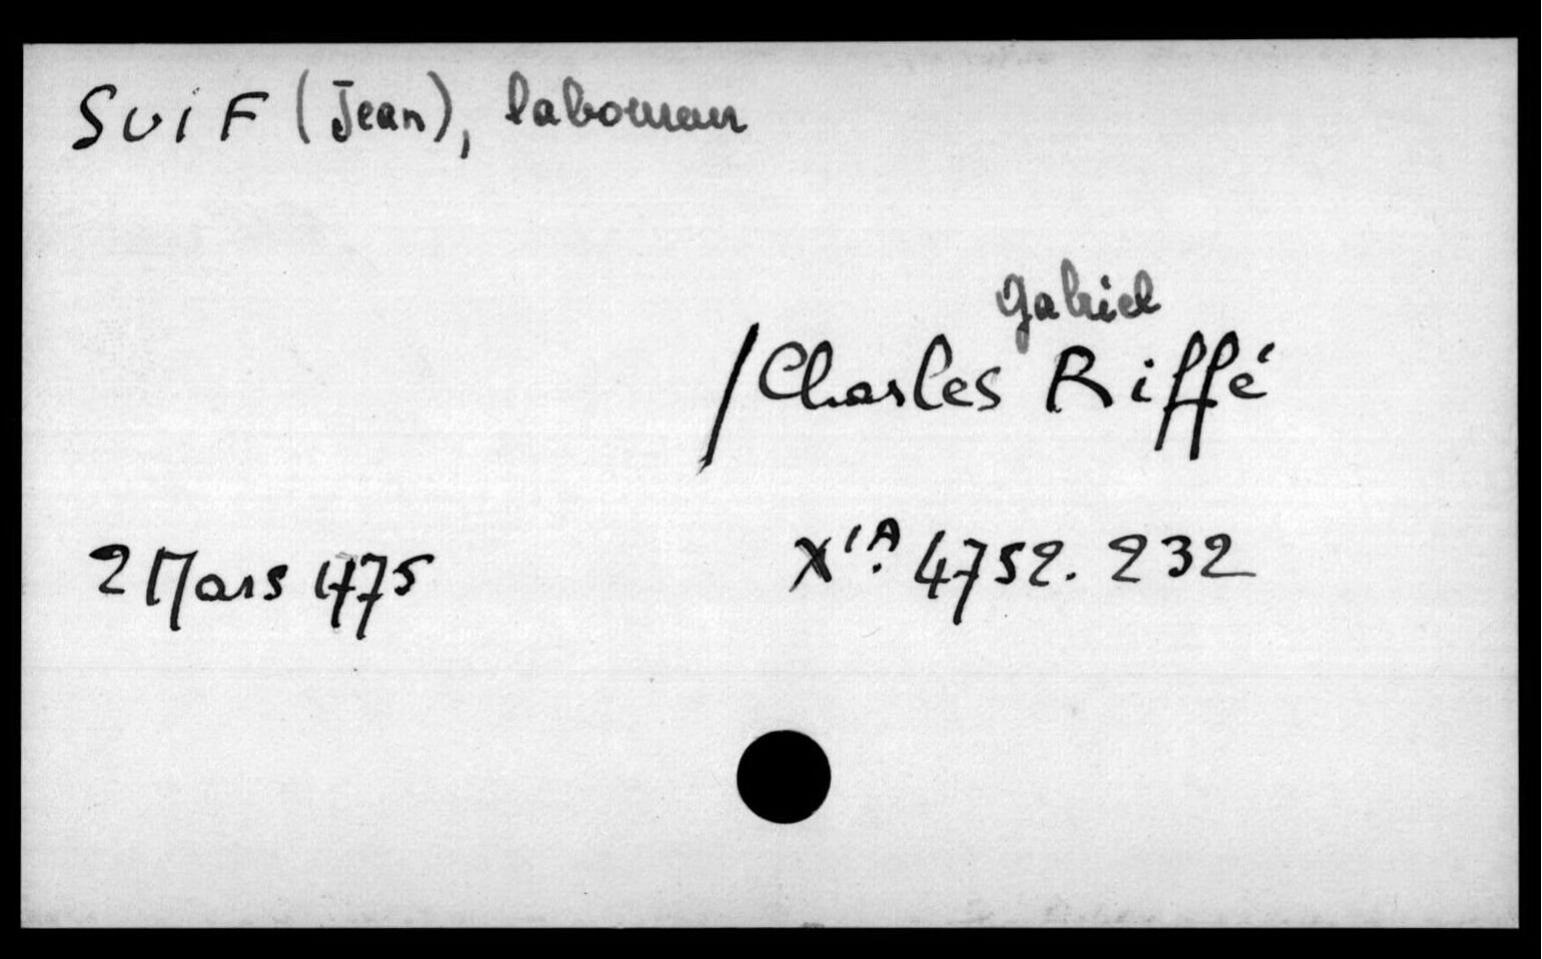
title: SUIF (Jean), laboureur
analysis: Contre Charles Gabriel Riff2
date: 2 mars 1775
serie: X1A
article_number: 4752
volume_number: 232
